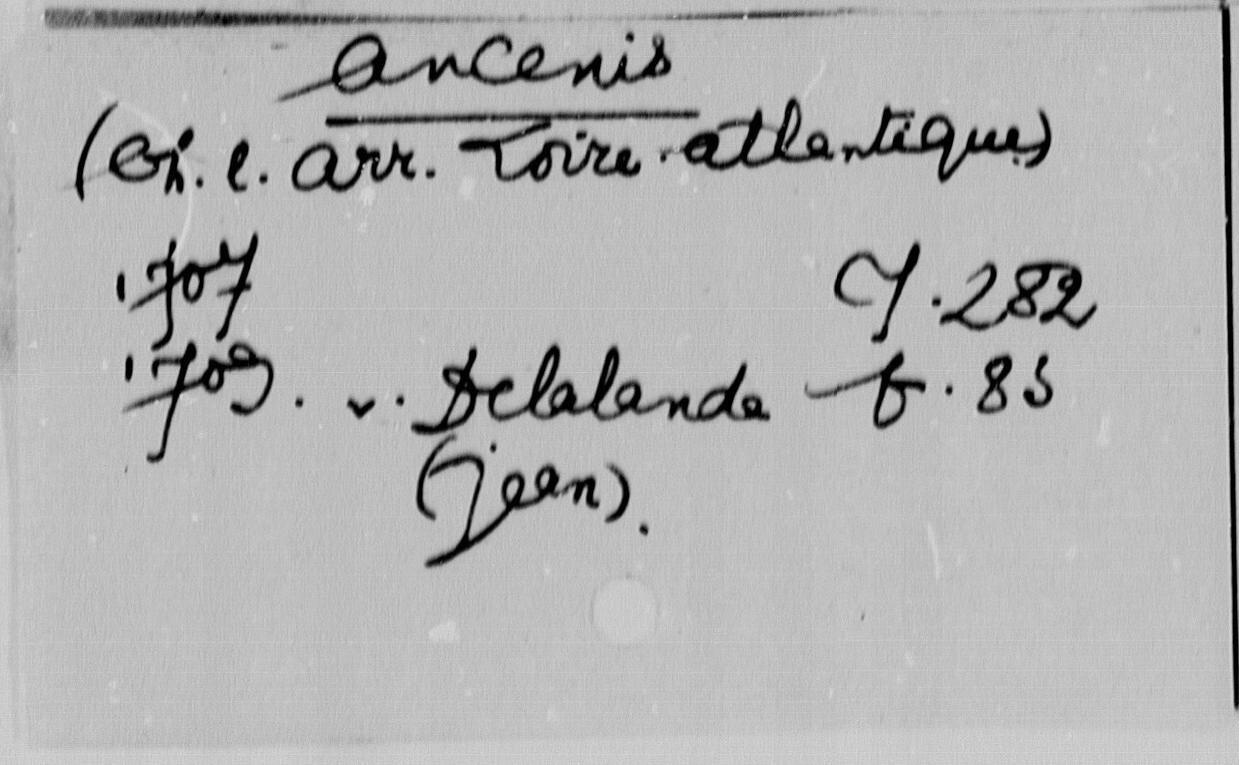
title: ANCENIS (Chef-lieu arrondissement Loire-Atlantique)
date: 1707-1709
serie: Y
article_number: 282
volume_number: folio 83
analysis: Voir Delalande (Jean)
